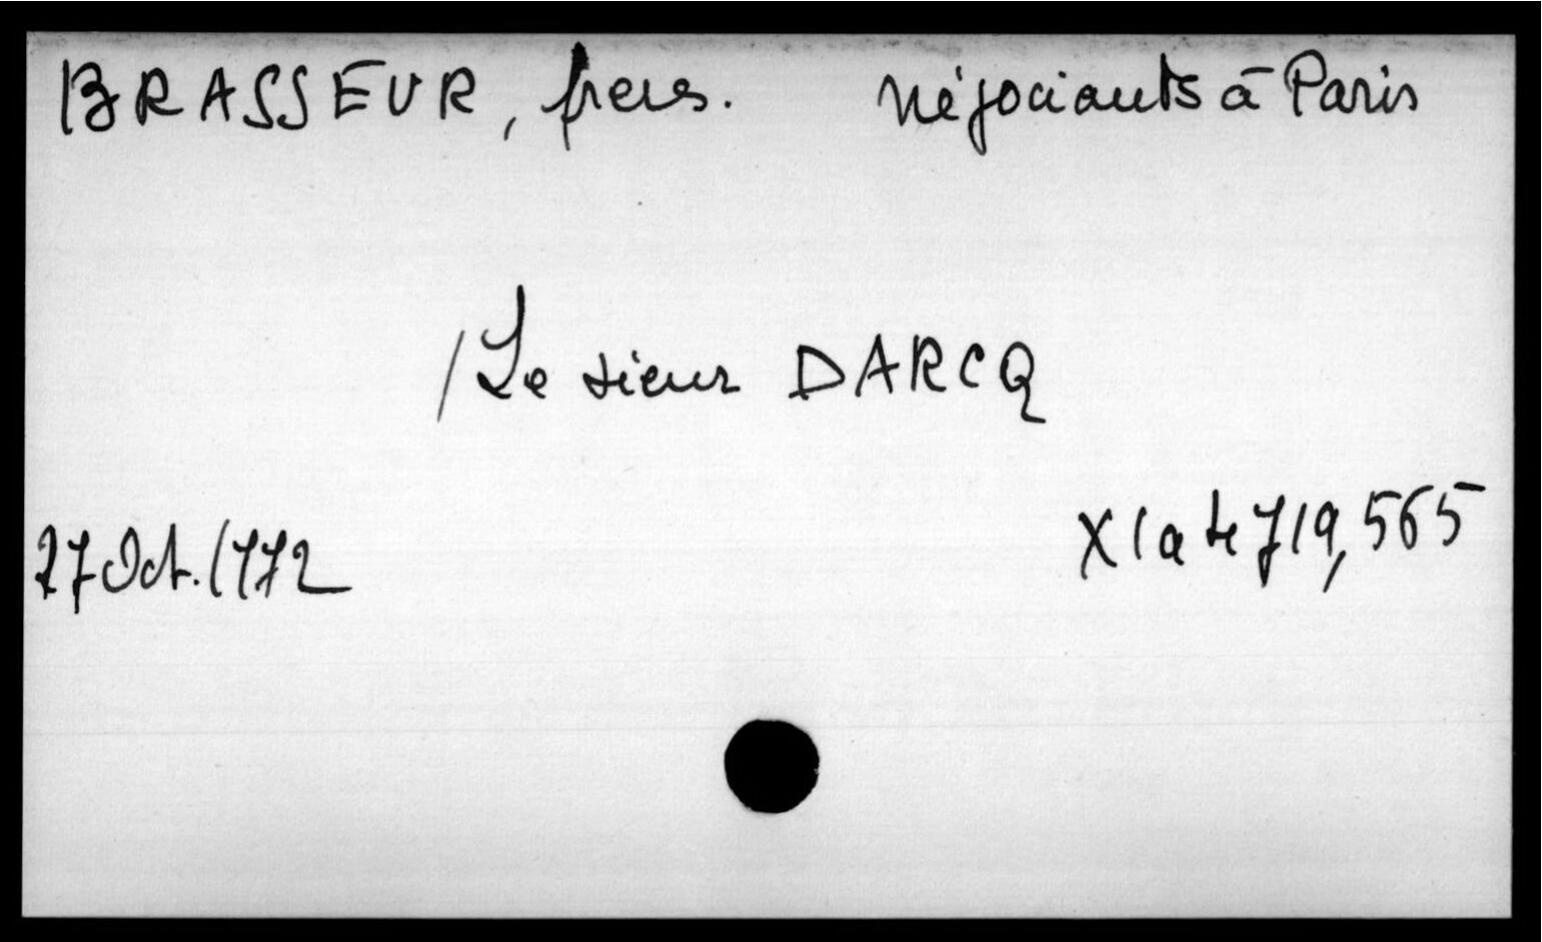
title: BRASSEUR, frères négociants à Paris
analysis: Contre Le sieur DARCQ
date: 27 octobre 1772
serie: X1a
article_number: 4719
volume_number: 565
